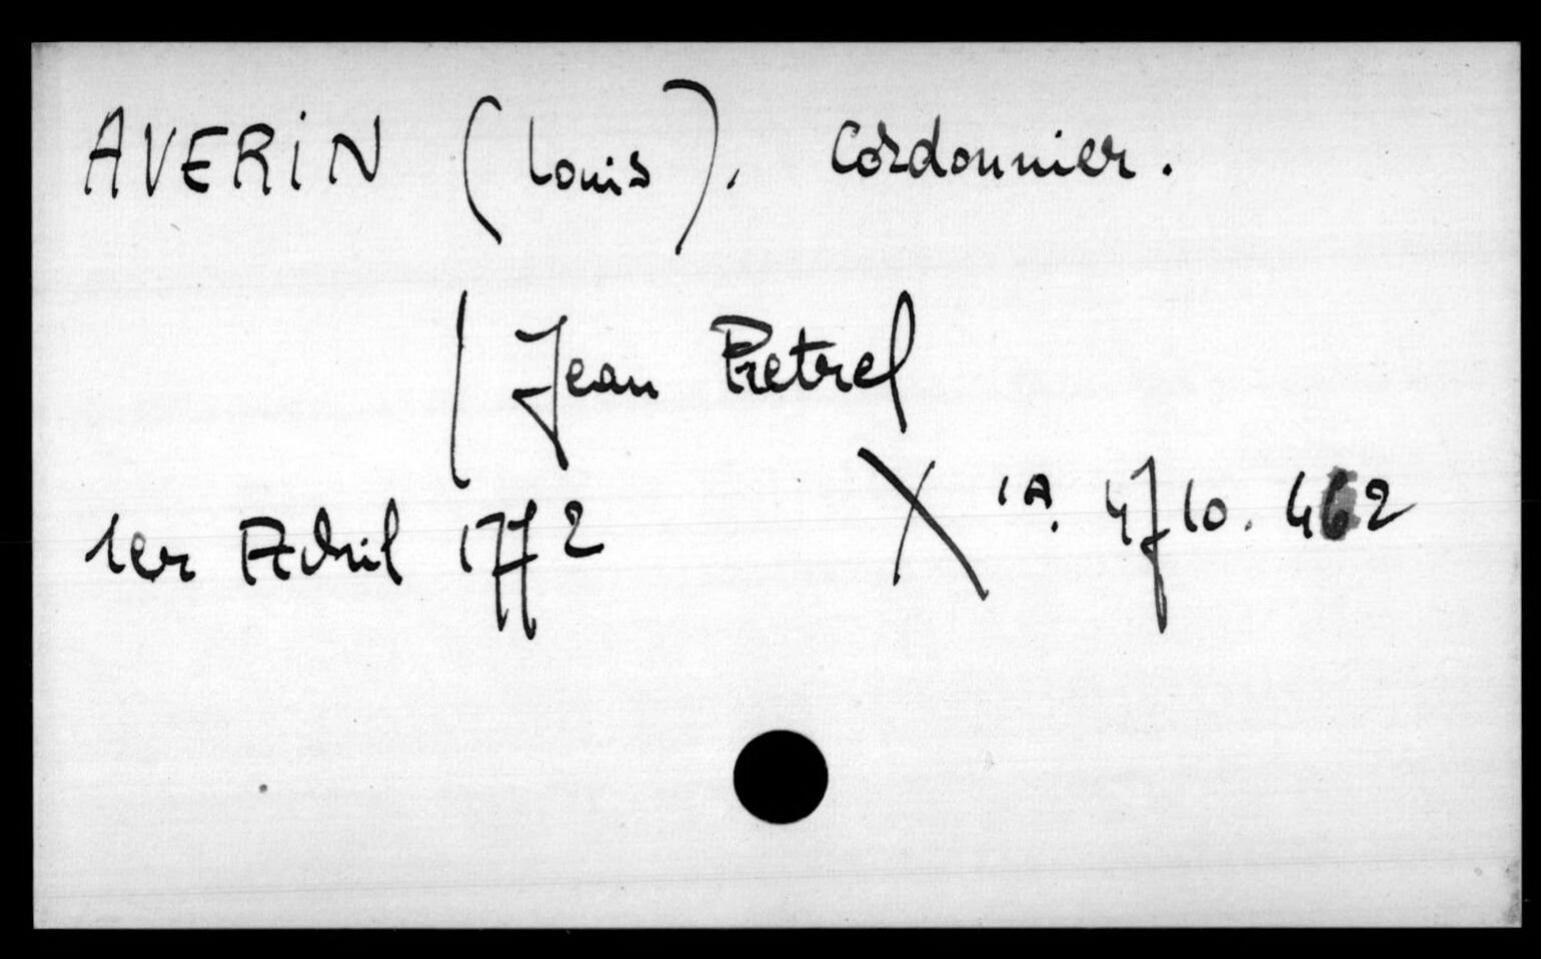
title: AVERIN (Louis), Cordonnier
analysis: Contre Jean Pretrel
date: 1 avril 1772
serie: X1A
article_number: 4710
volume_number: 462
